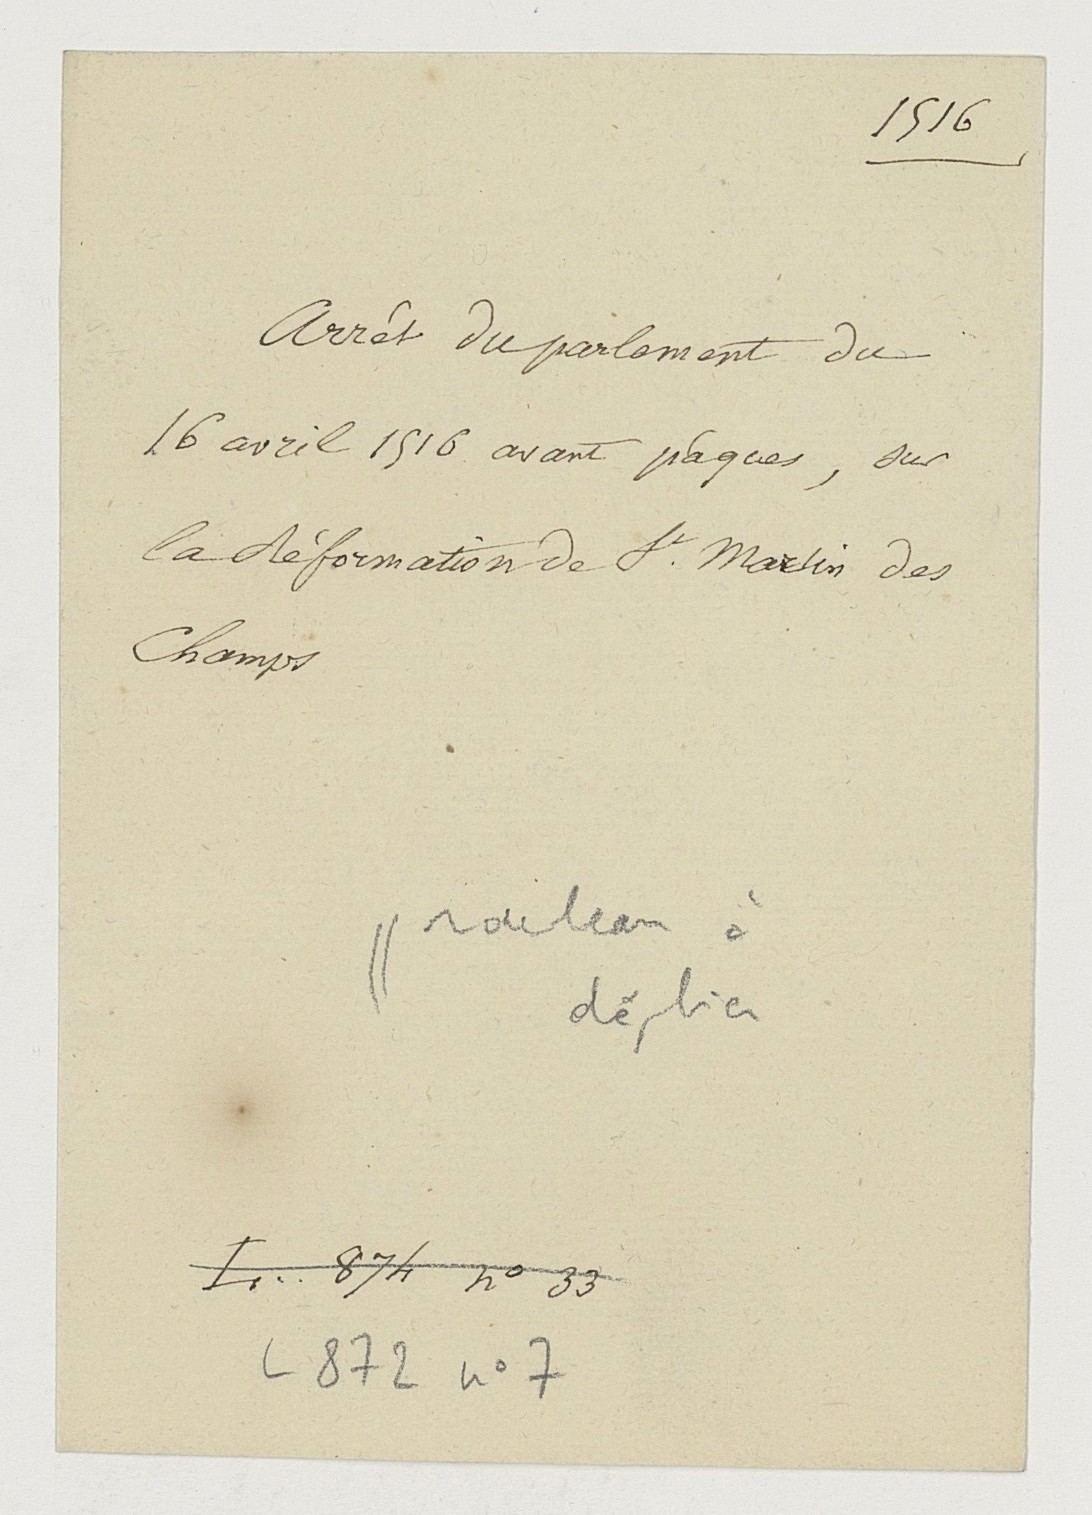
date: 1516
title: Arrêt du Parlement du 16 avril 1516 avant Pâques, sur la Réformation de Saint-Martin des Champs
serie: L
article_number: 872
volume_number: n° 7
